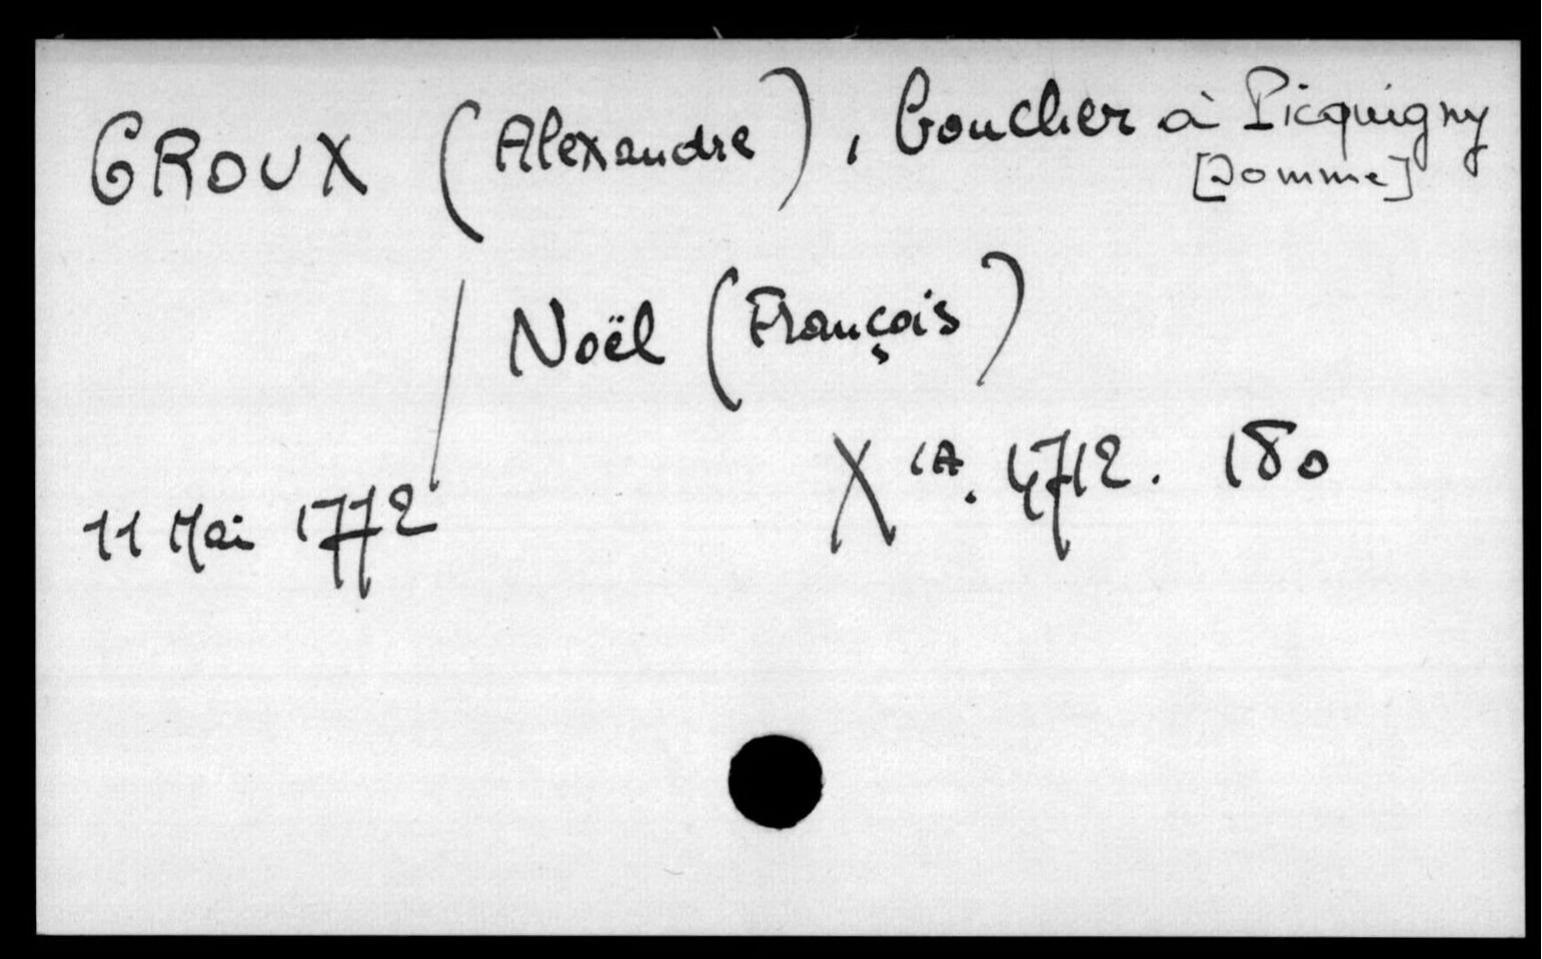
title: GROUX (Alexandre), boucher à Picquigny Pomme]
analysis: Contre Noël (François)
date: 11 mai 1772
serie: X1A
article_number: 4712
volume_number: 180
